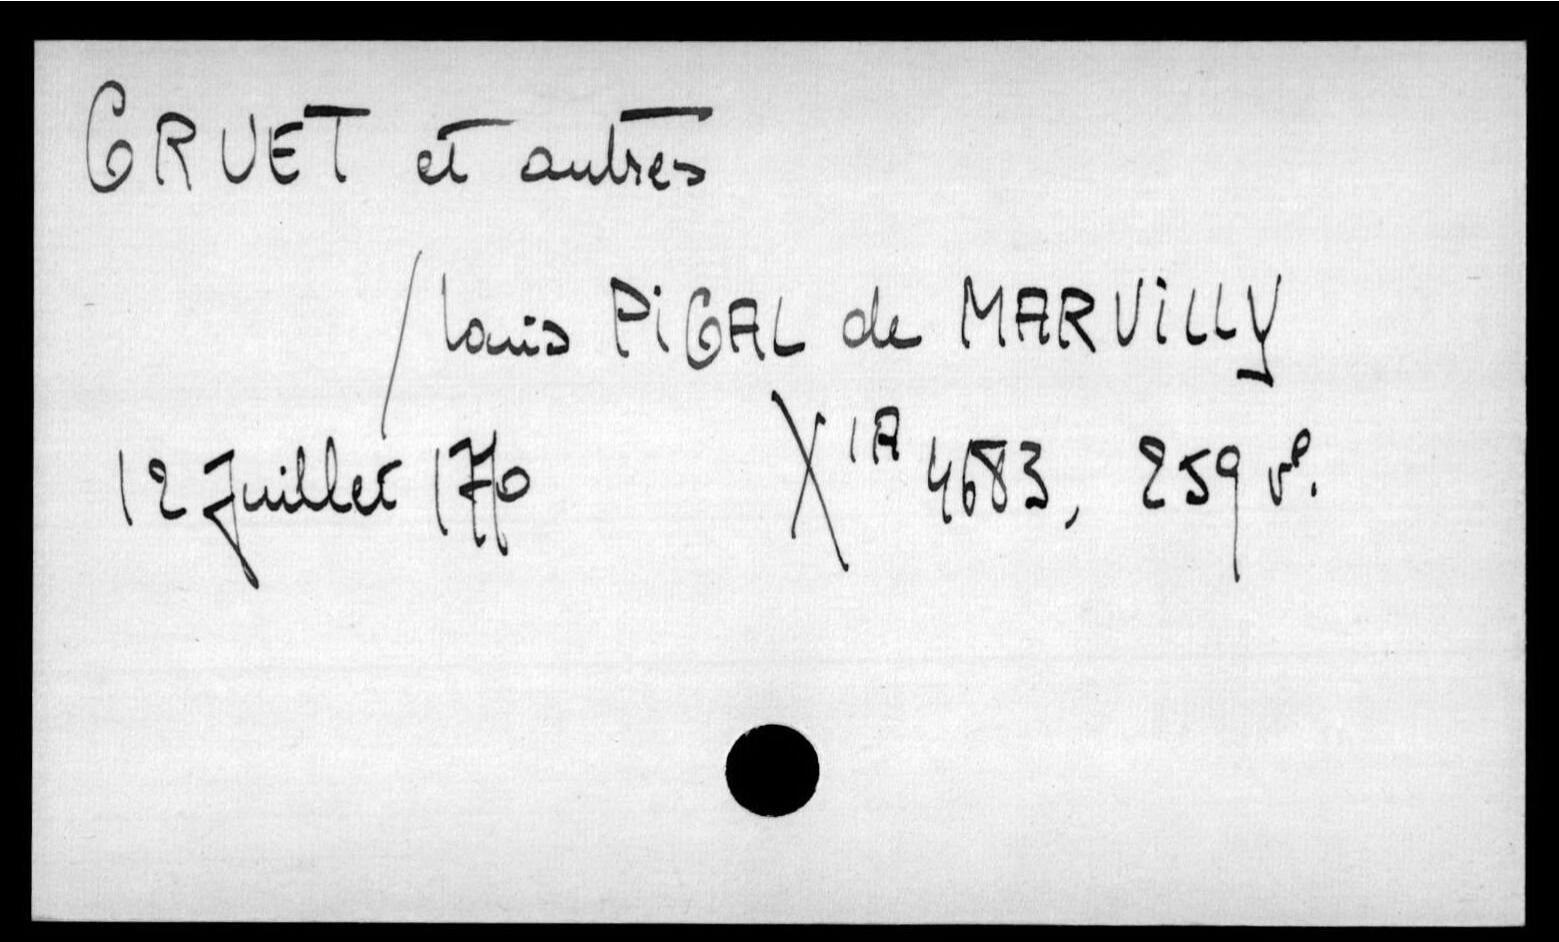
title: GRUET et autres
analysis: Contre Louis PIGAL de MARVILLY
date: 12 juillet 1770
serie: X1A
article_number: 4683
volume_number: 259v
